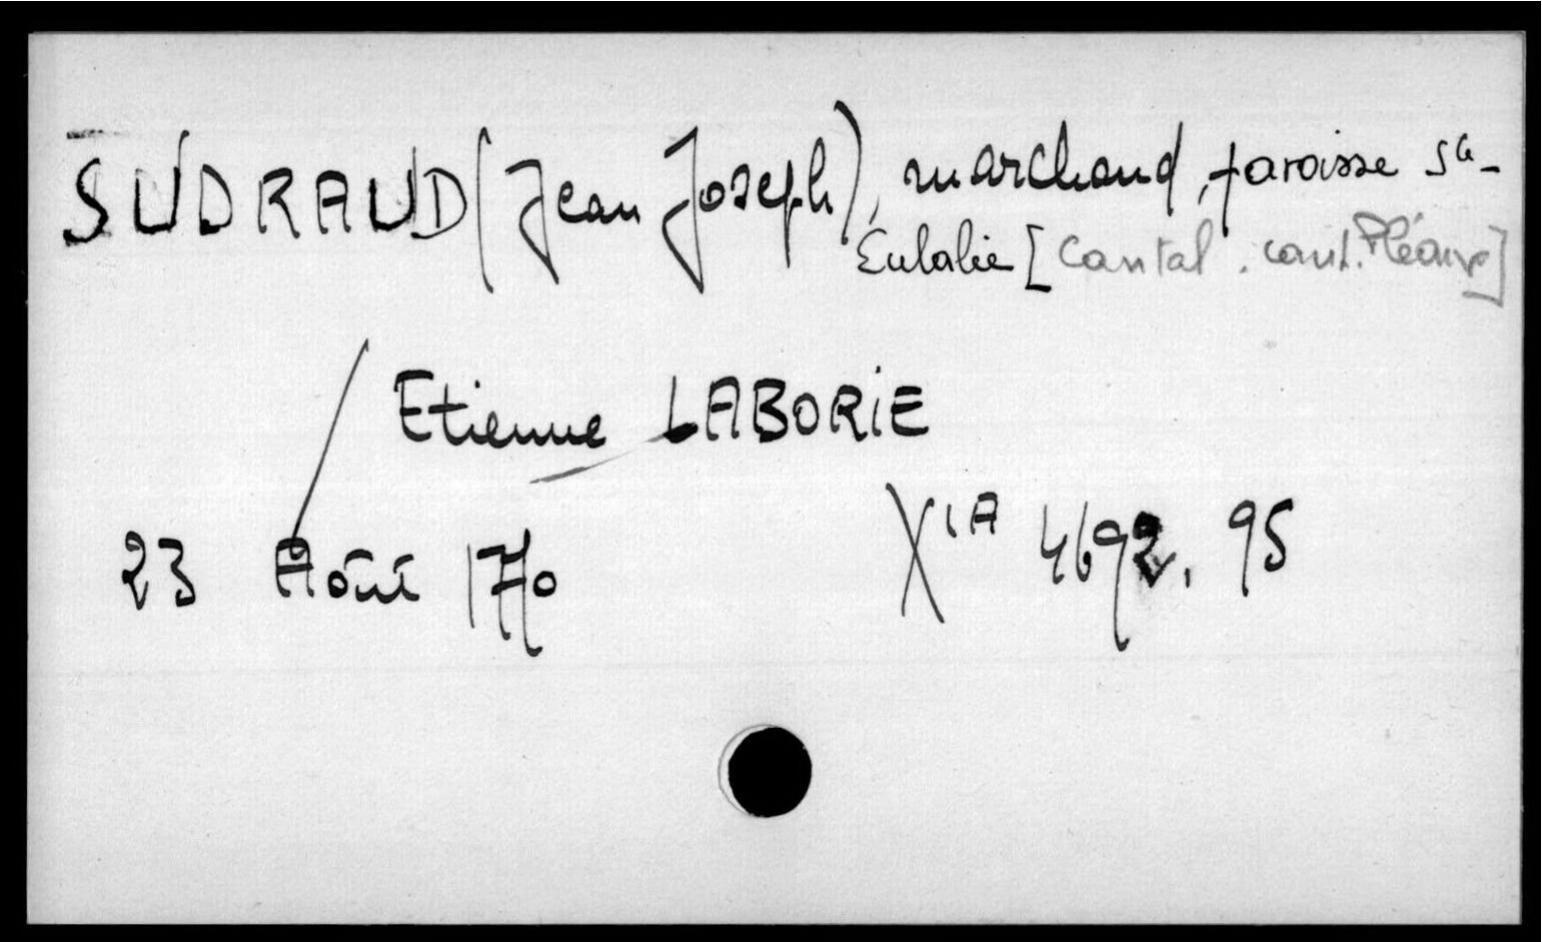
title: SUDRAUD (Jean Joseph), marchand, paroisse Sainte-Eulalie [Cantal canton Pléaux]
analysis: Contre Etienne LABORIE
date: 23 août 1770
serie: X1A
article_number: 4692
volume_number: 95
